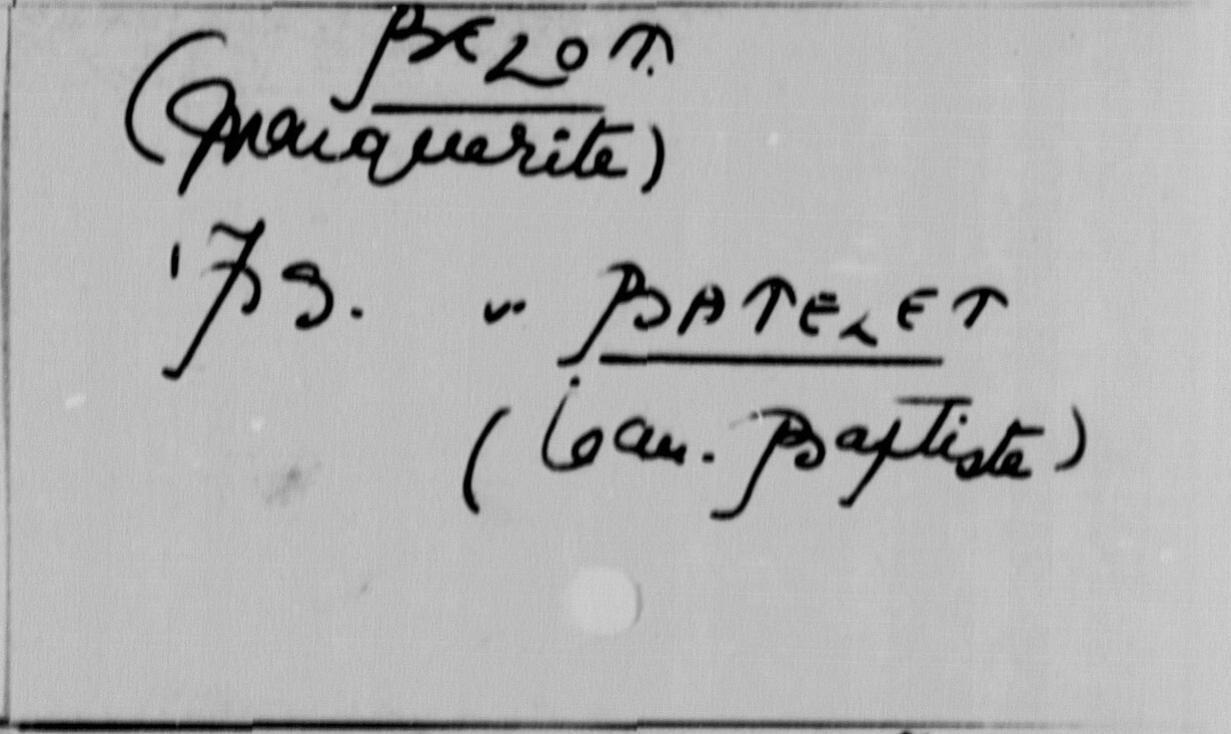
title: BELOT (Marguerite)
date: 1719
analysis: Voir BATELET (Jean-Baptiste)
